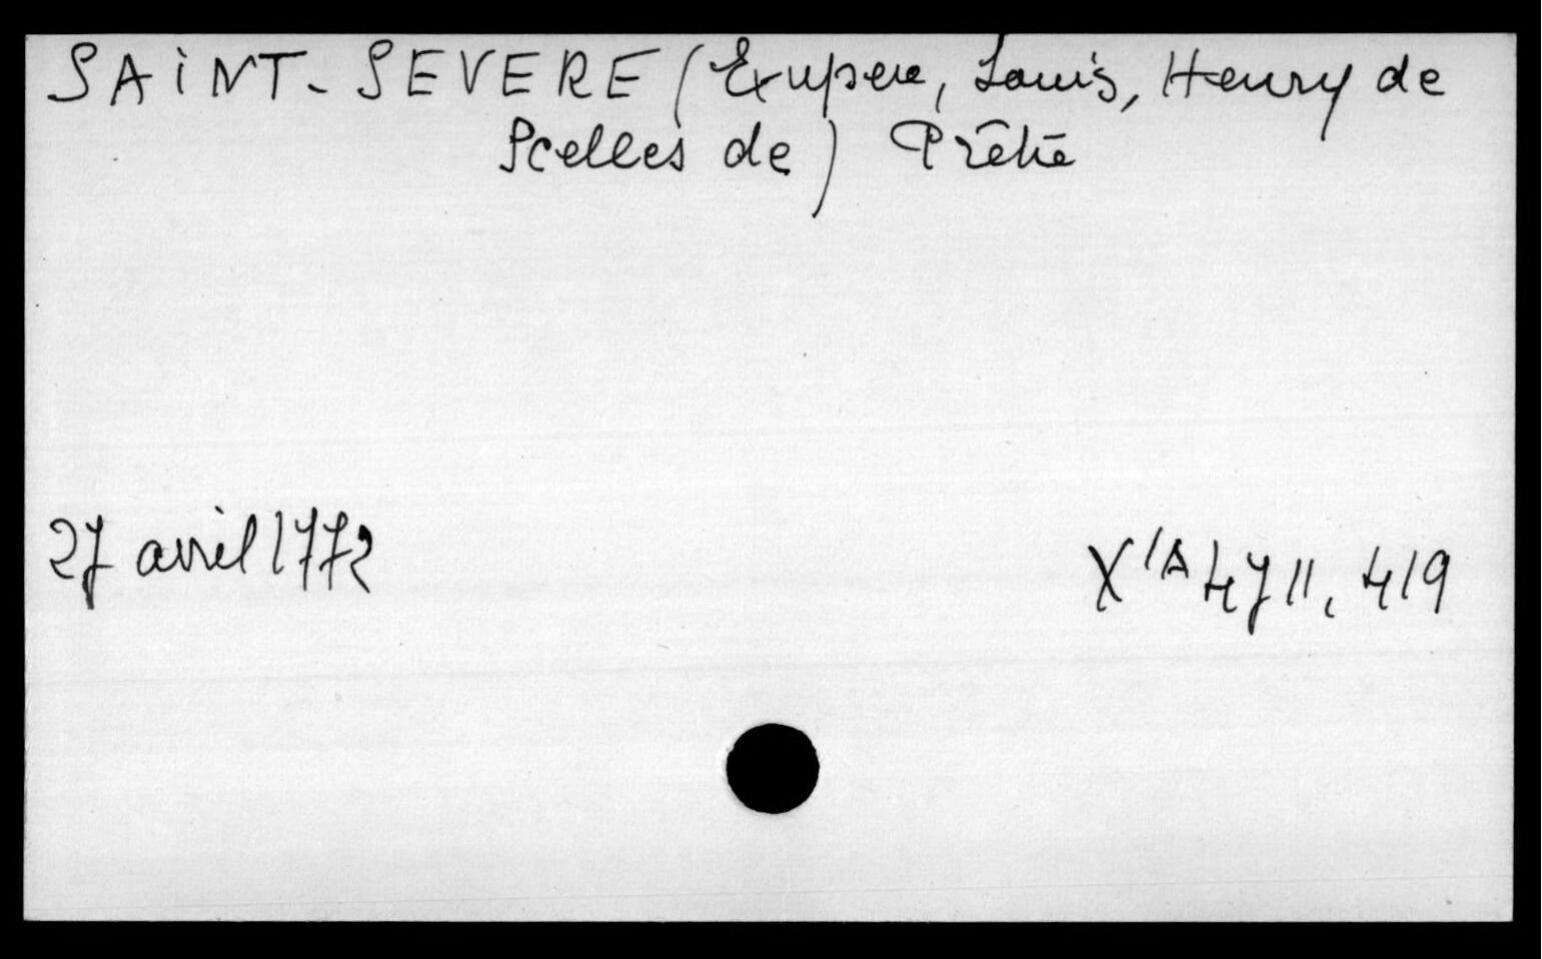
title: SAINT-SEVERE (Exupere, Louis, Henry de Scelles de) Prêtre
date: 27 avril 1772
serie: X1A
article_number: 4711
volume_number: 419
